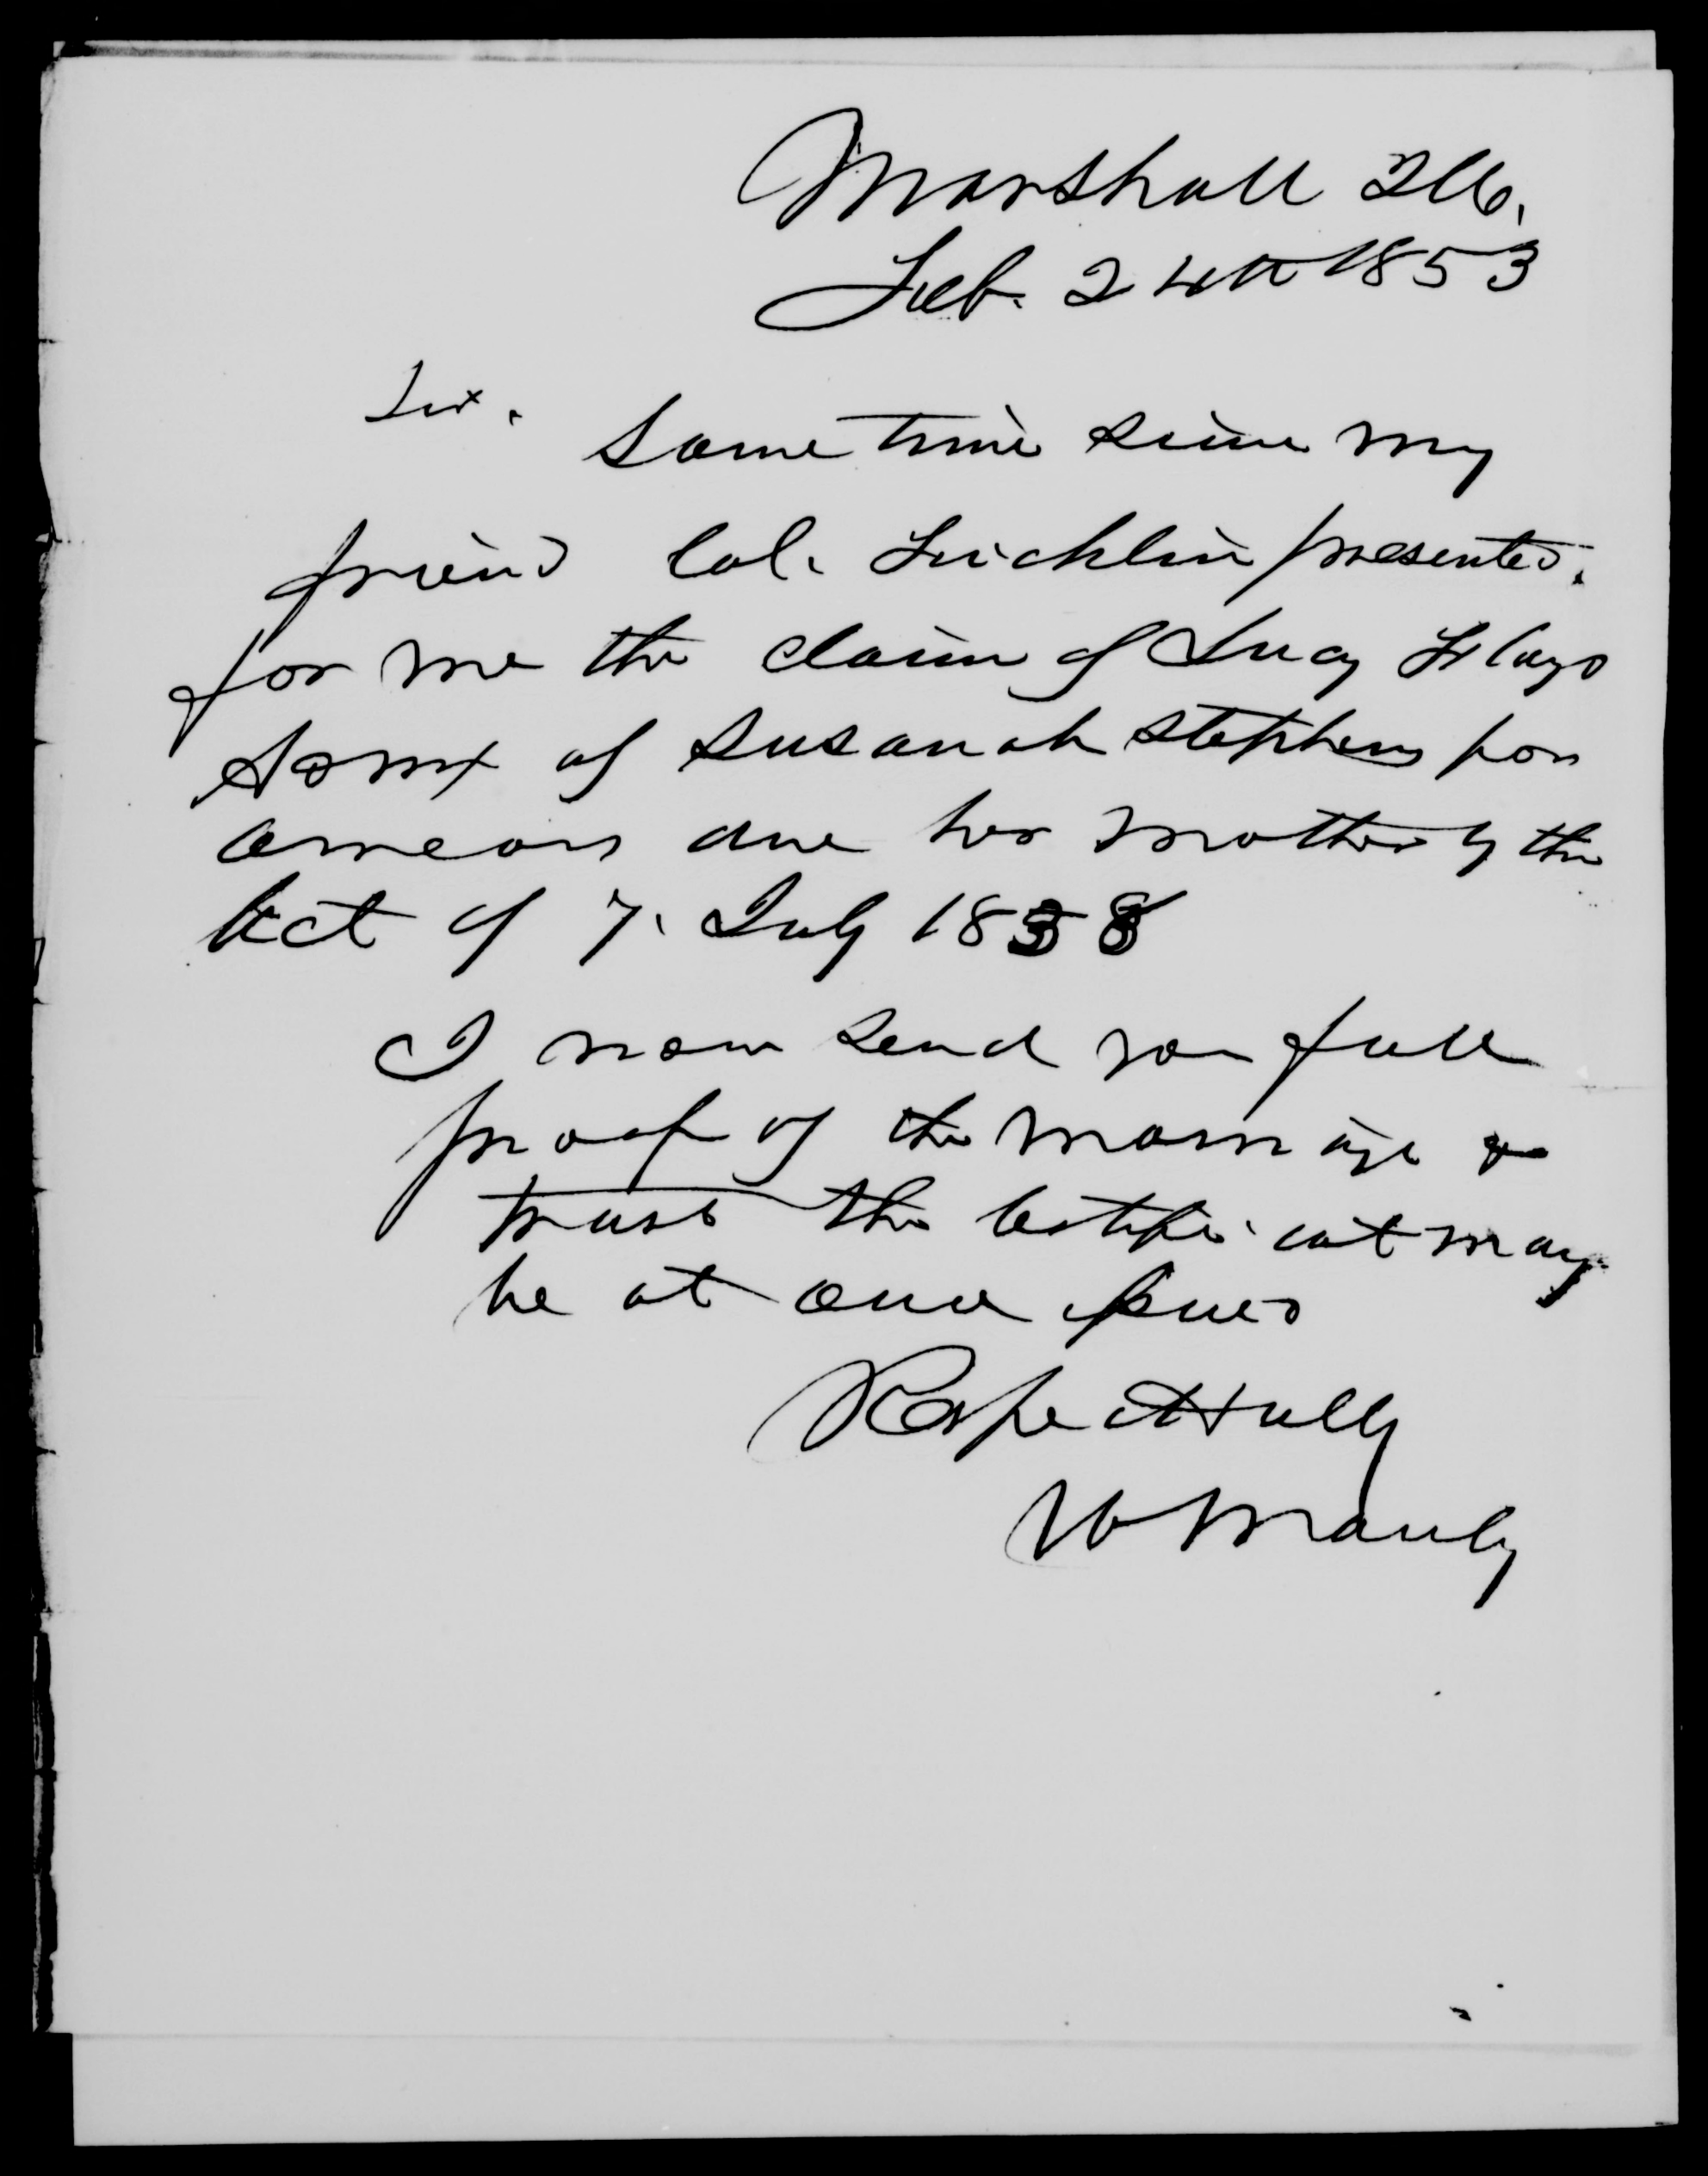Marshall Ill
Feb 24h 1853
Sir.
Some time since my friend Col. Lucklin presented for me the claim of Lucy Floyd Admx of Susanah Stephens for arrears due her mother by the Act of 7 July 18[illegible]
I now send you full proof of the marriage & trust the certificate may be at and [illegible]
Respectfully W Manly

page: 76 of 99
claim: widow's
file: W 8766, for James Stevens, Virginia